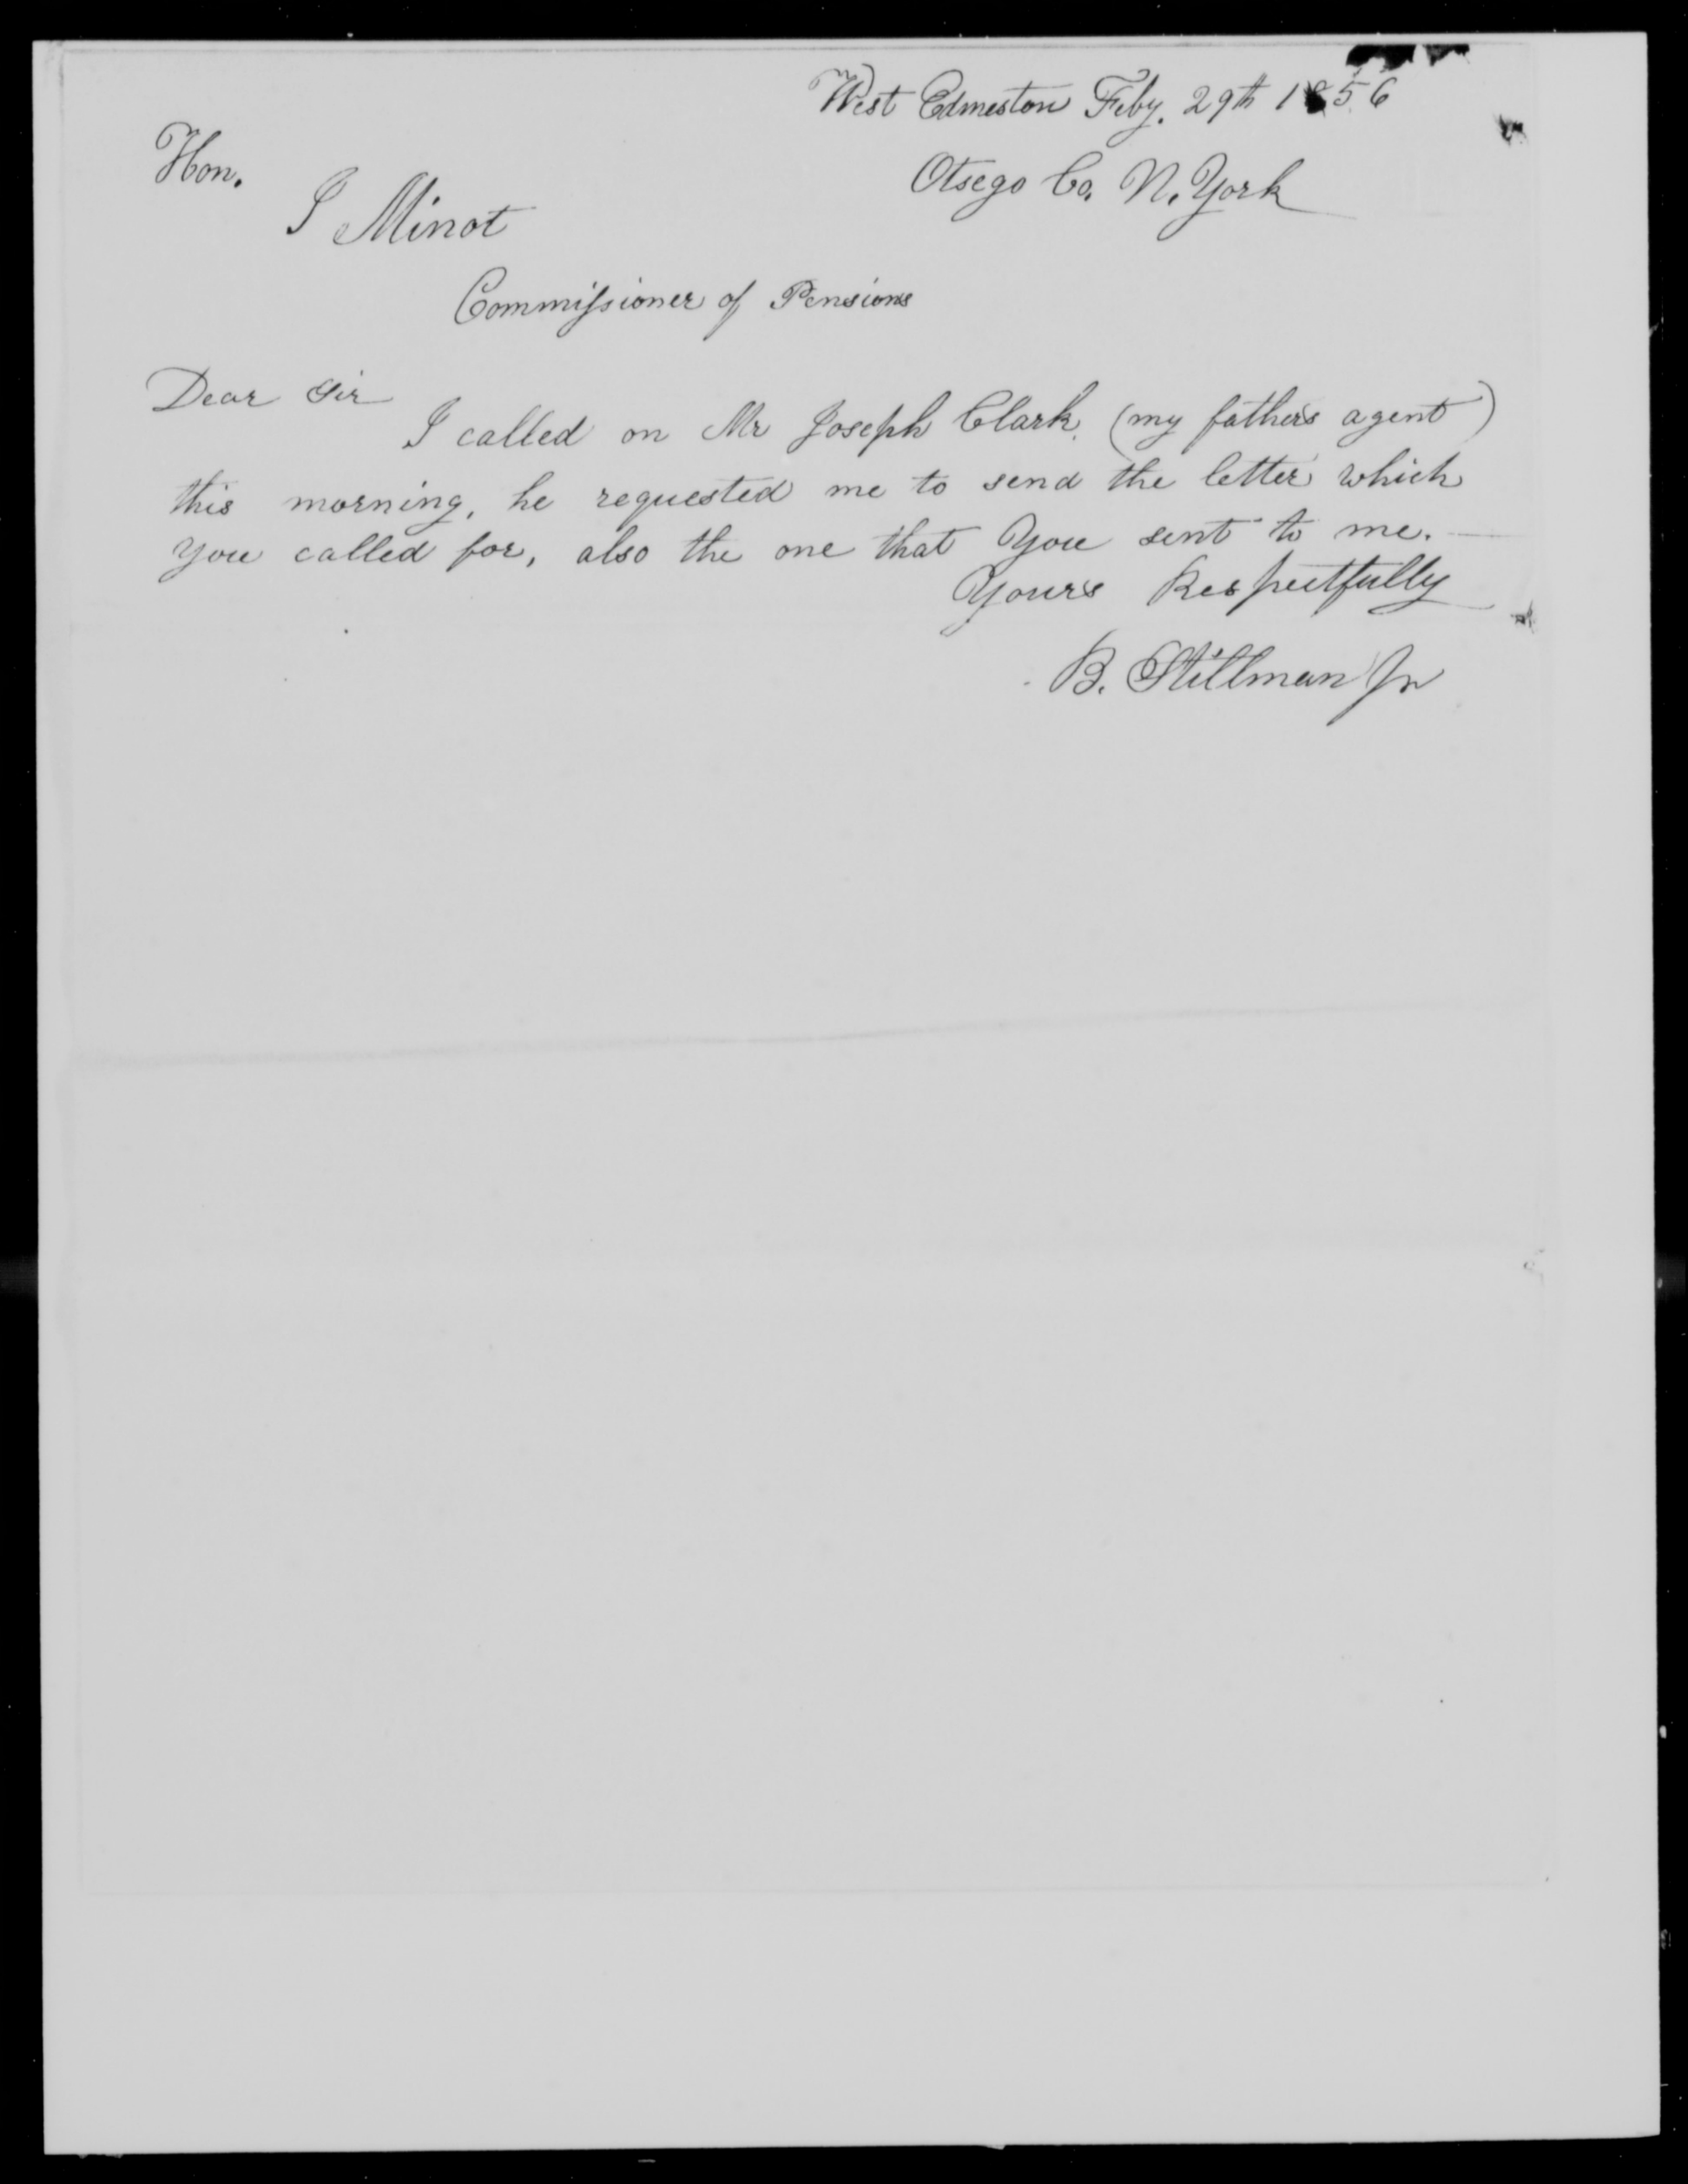West Edmeston Feby. 29th 1856
Otsego Co. N. York

Hon
J Minot 
Commissioner of Pensions
Dear Sir 
I called on Mr Joseph Clark (my father’s agent) this morning, he requested me to send the letter which you called for, also the one that you sent to me. 
Yours Respectfully 
B. Stillman Jr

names: B Stillman; J Minot; Joseph Clark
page: 23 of 29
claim: bounty land warrant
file: B.L.Wt.47987-160-55, for Benjamin Stillman, Rhode Island